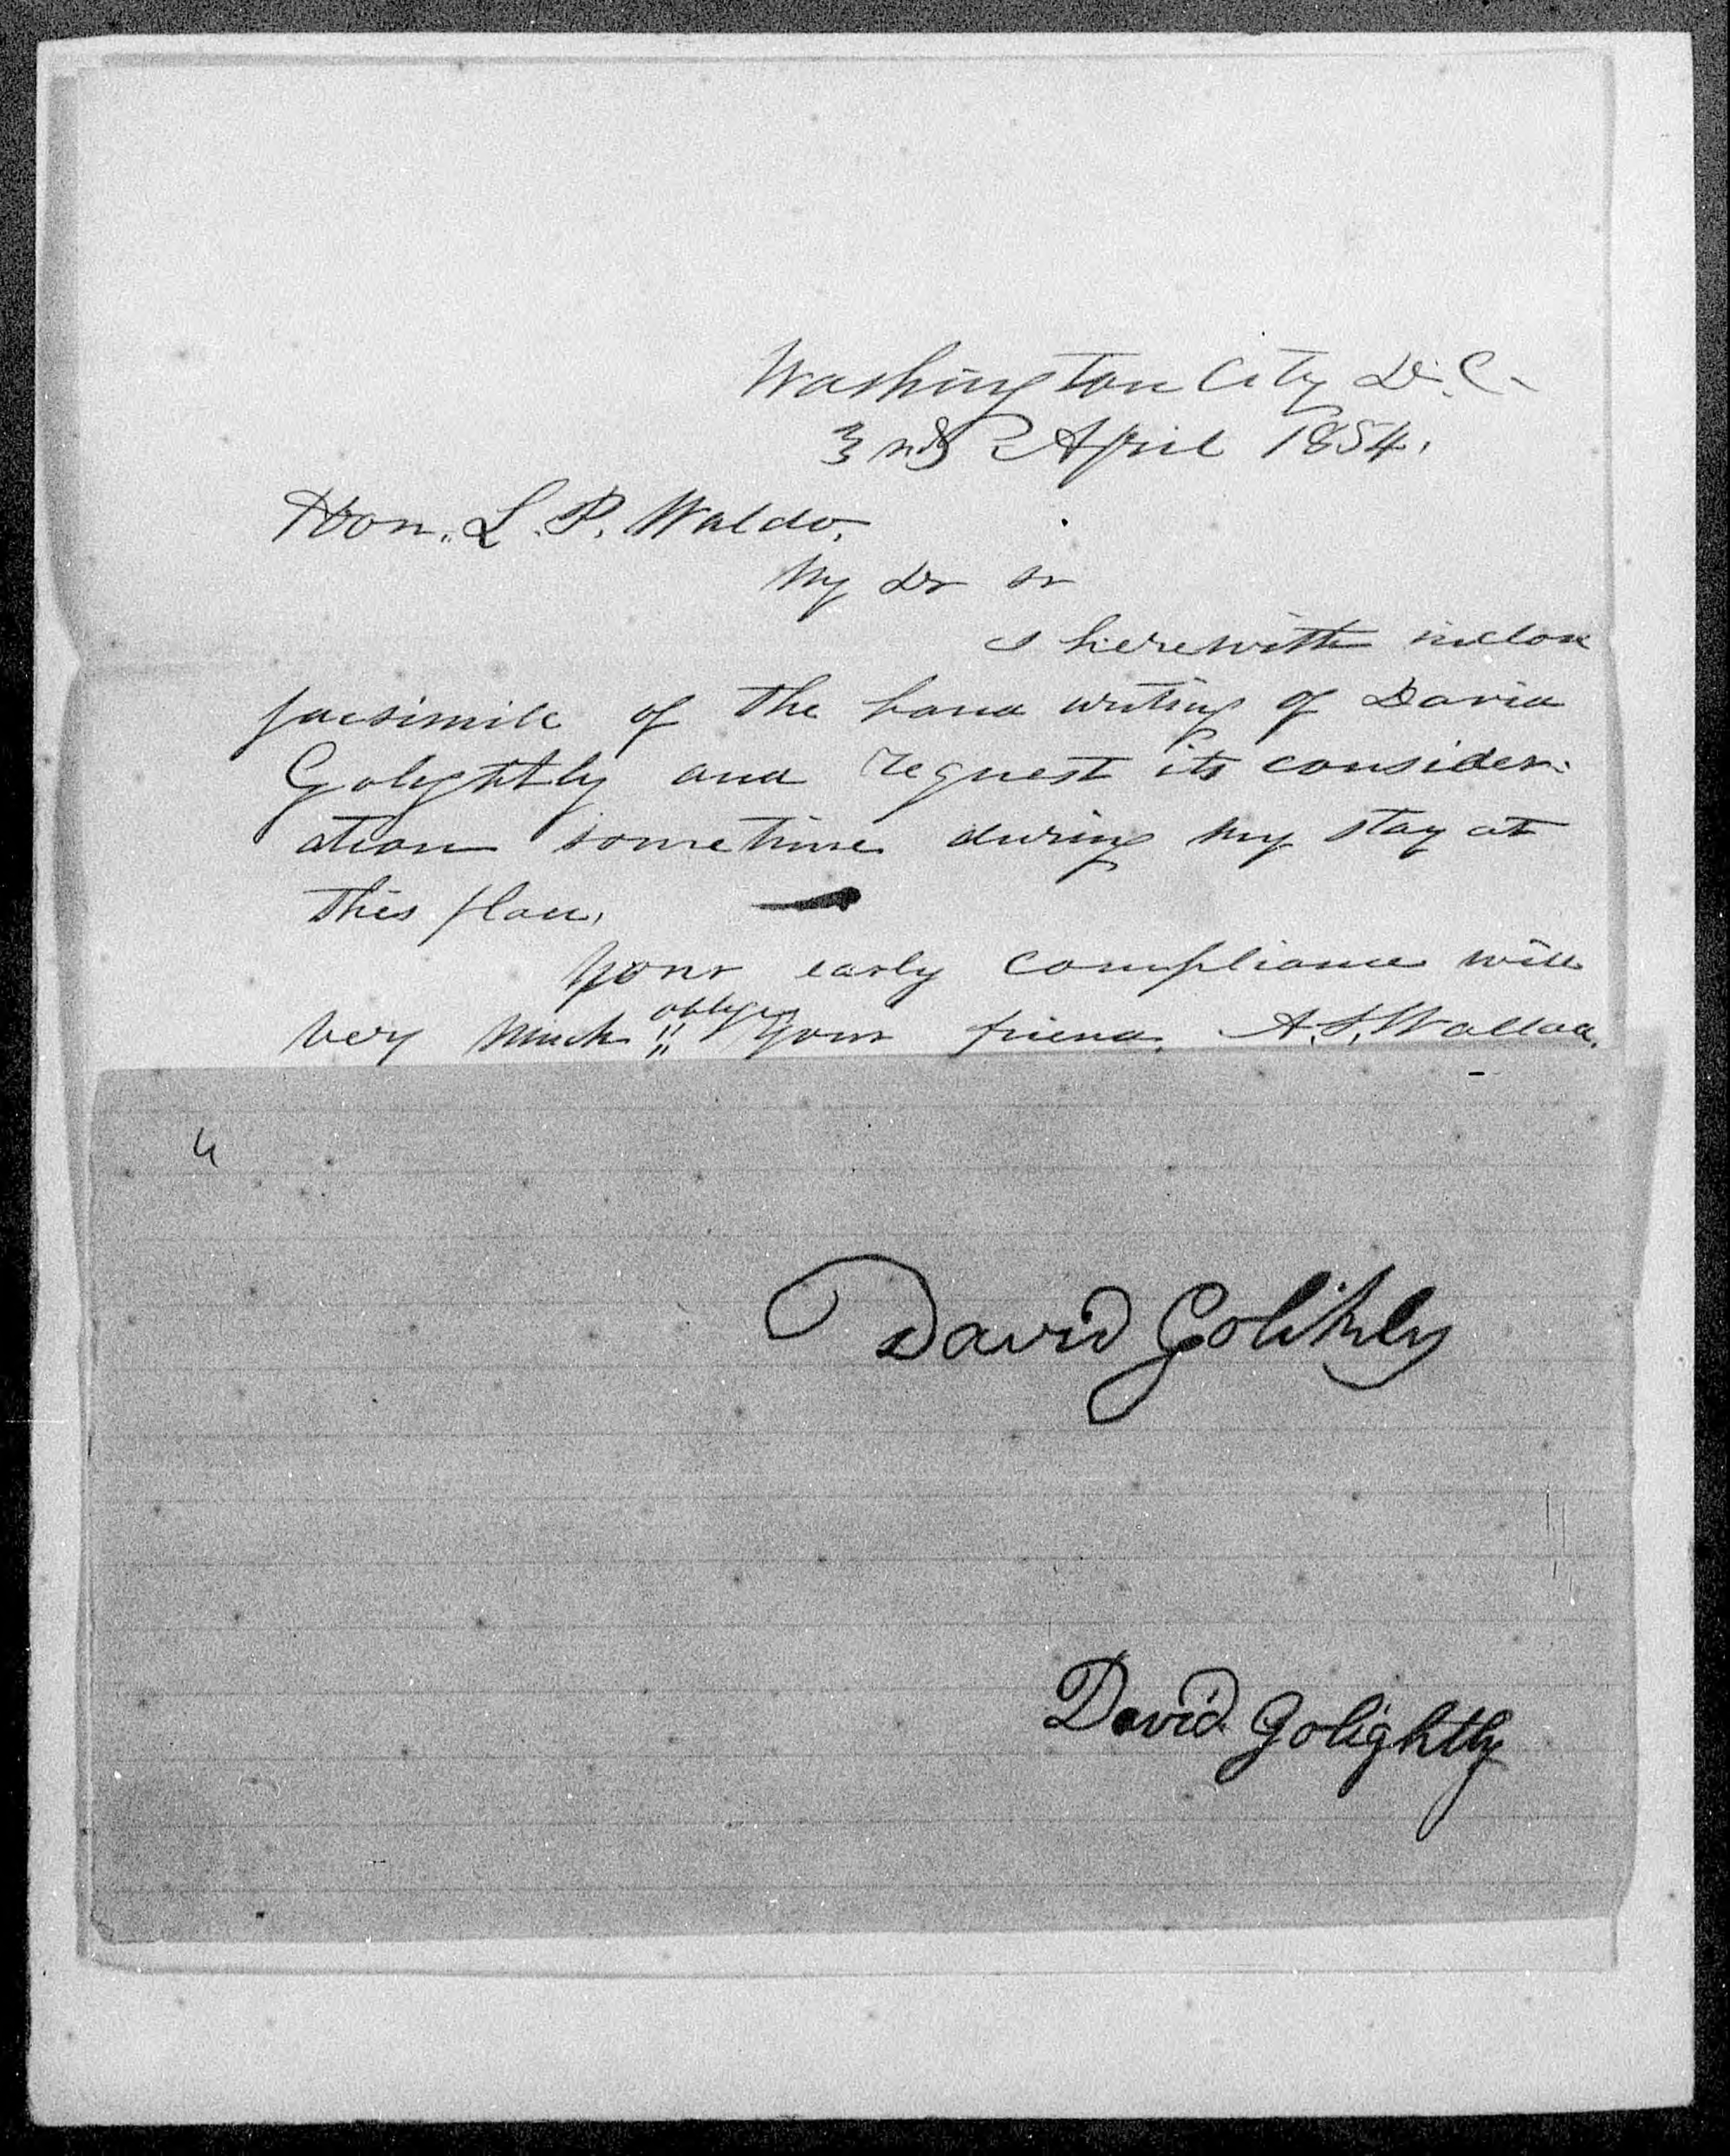Washington City, D.C.
3rd April 1854
Hon. L.P. Waldo

My dear sir

  I herewith inclose facsimile of the hand writing of David Golightly and request its consideration sometime during my stay at this place.

   Your early compliance will very much appreciated.

A.S. Wallace

David Golightly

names: L P Waldo, David Golikly, David Golightly, David Golightly, A S Wallace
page: 19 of 57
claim: survivor's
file: S. 18888, David Golightly, S.C.